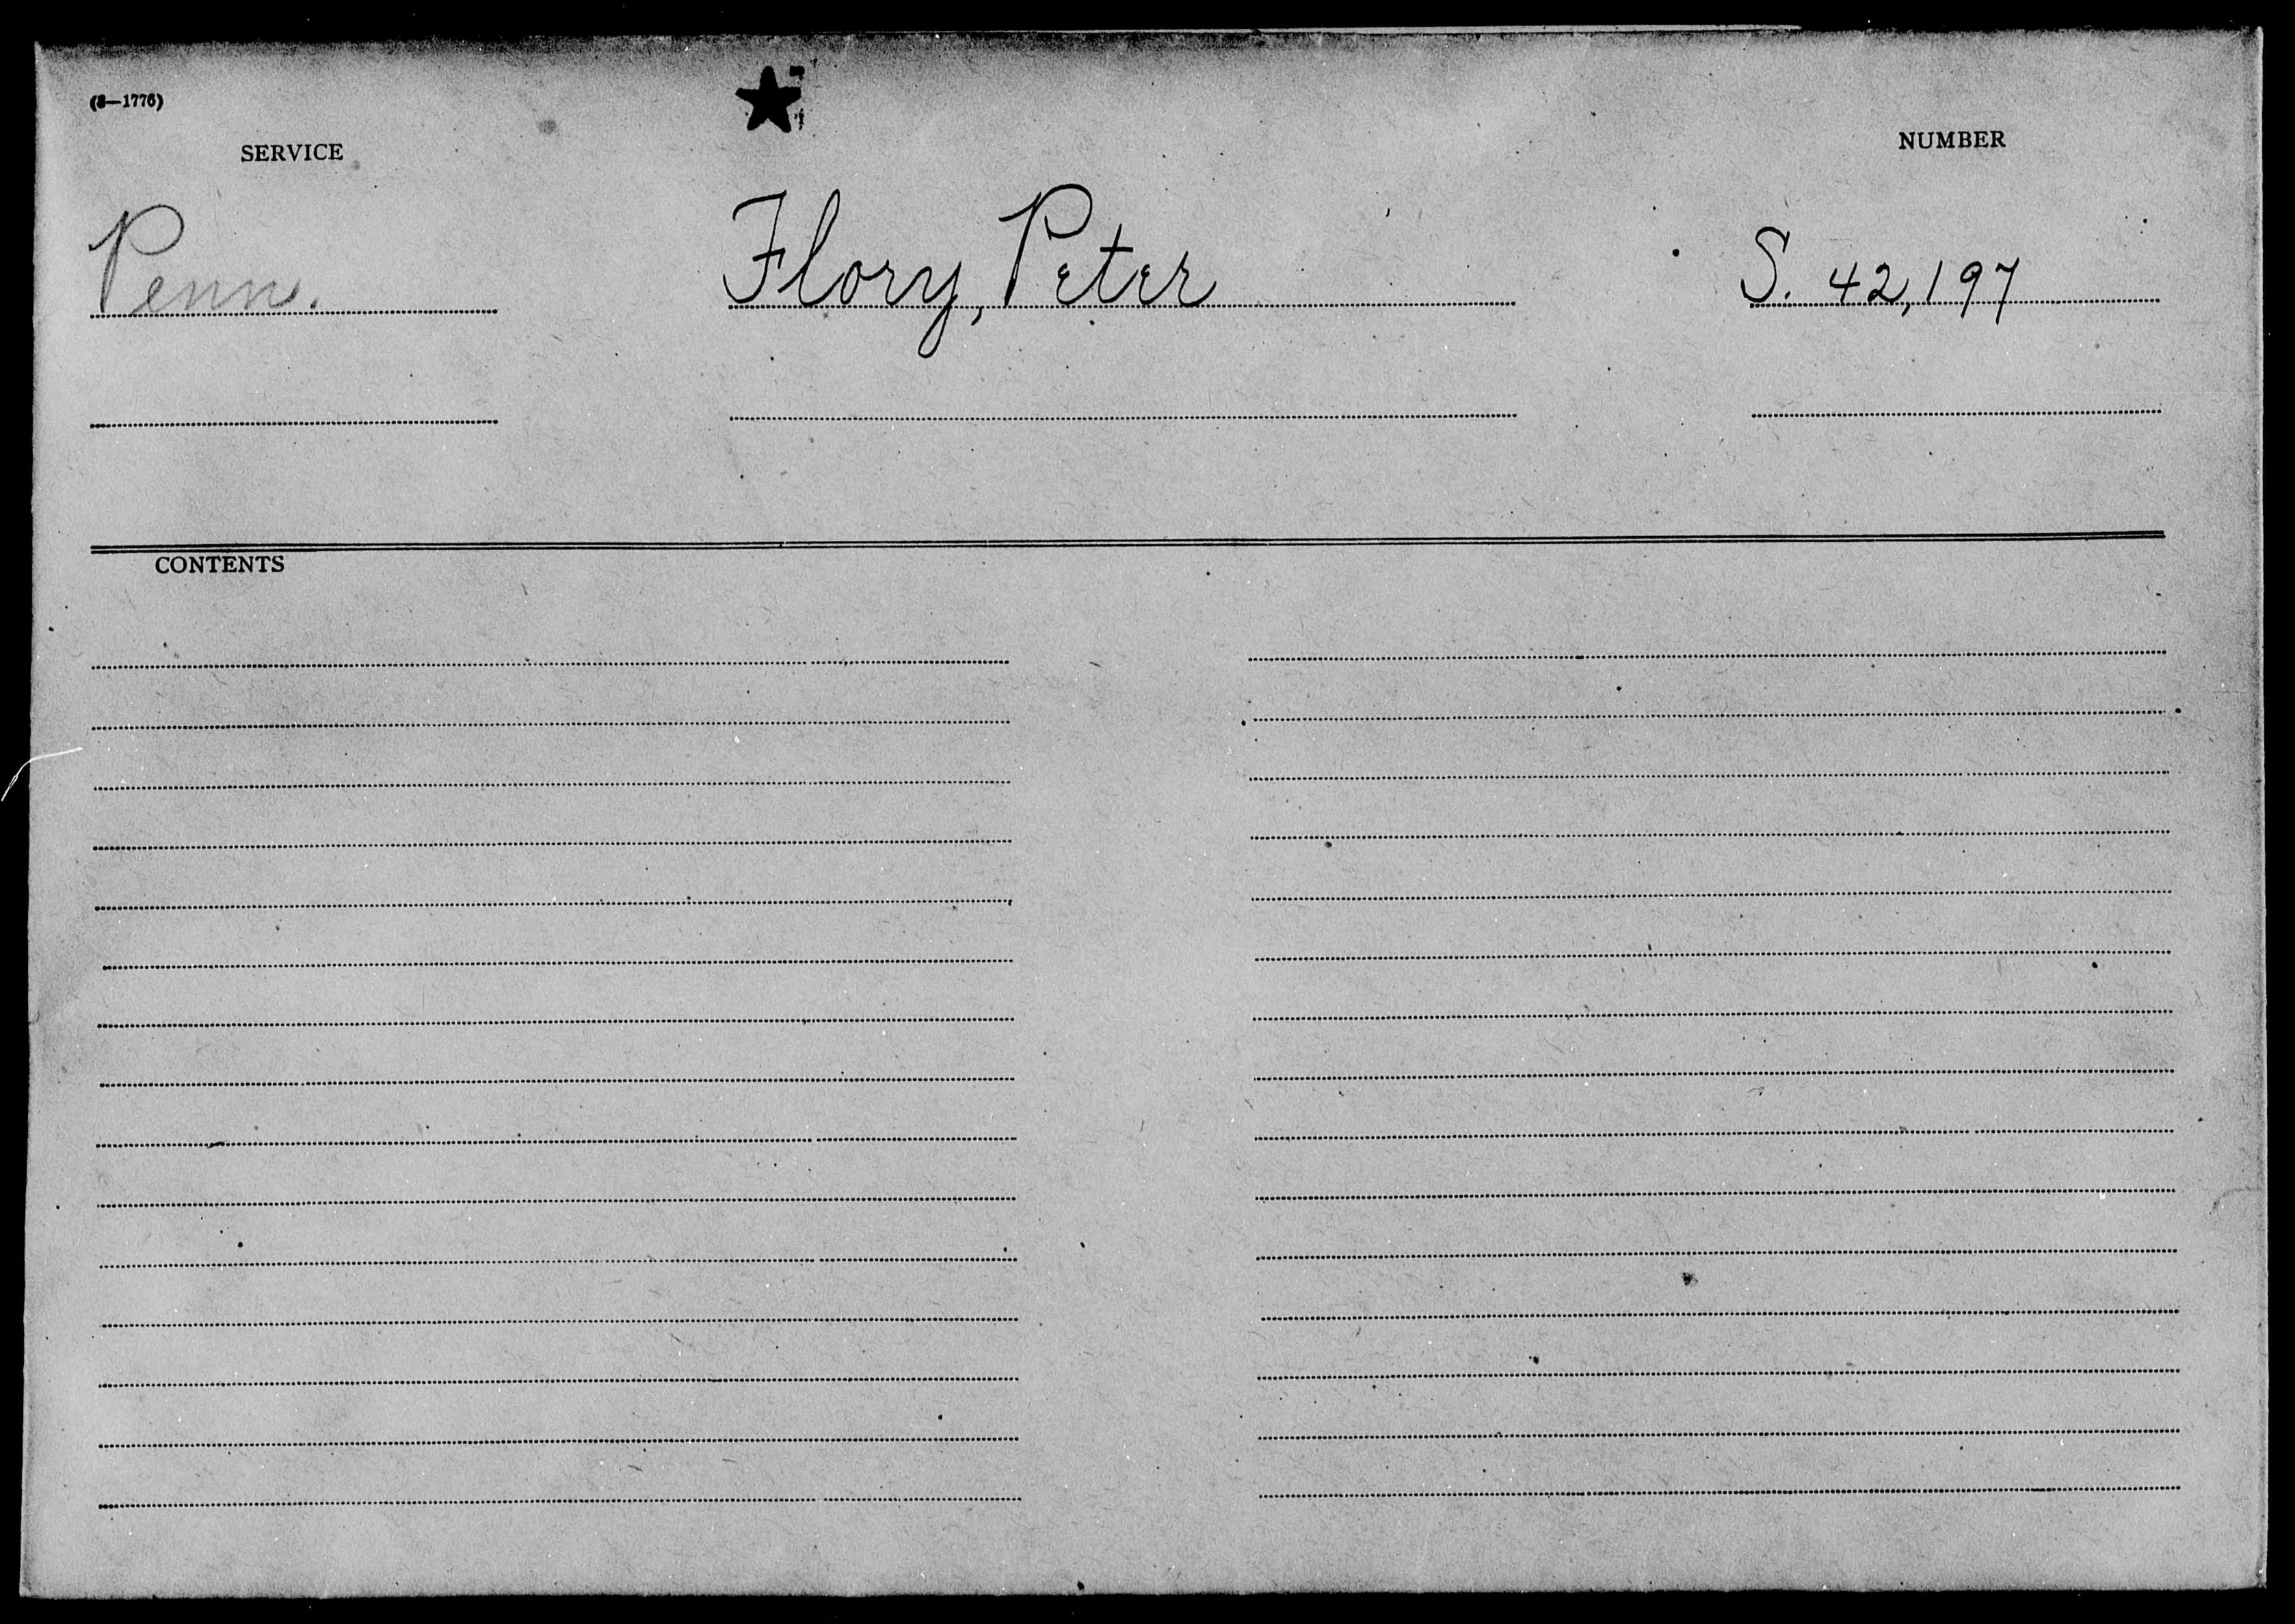Service    Pennsylvania
Flory, Peter
Number S.42.197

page: 1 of 11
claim: survivor's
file: S. 42,197, Peter Flory, Penn.